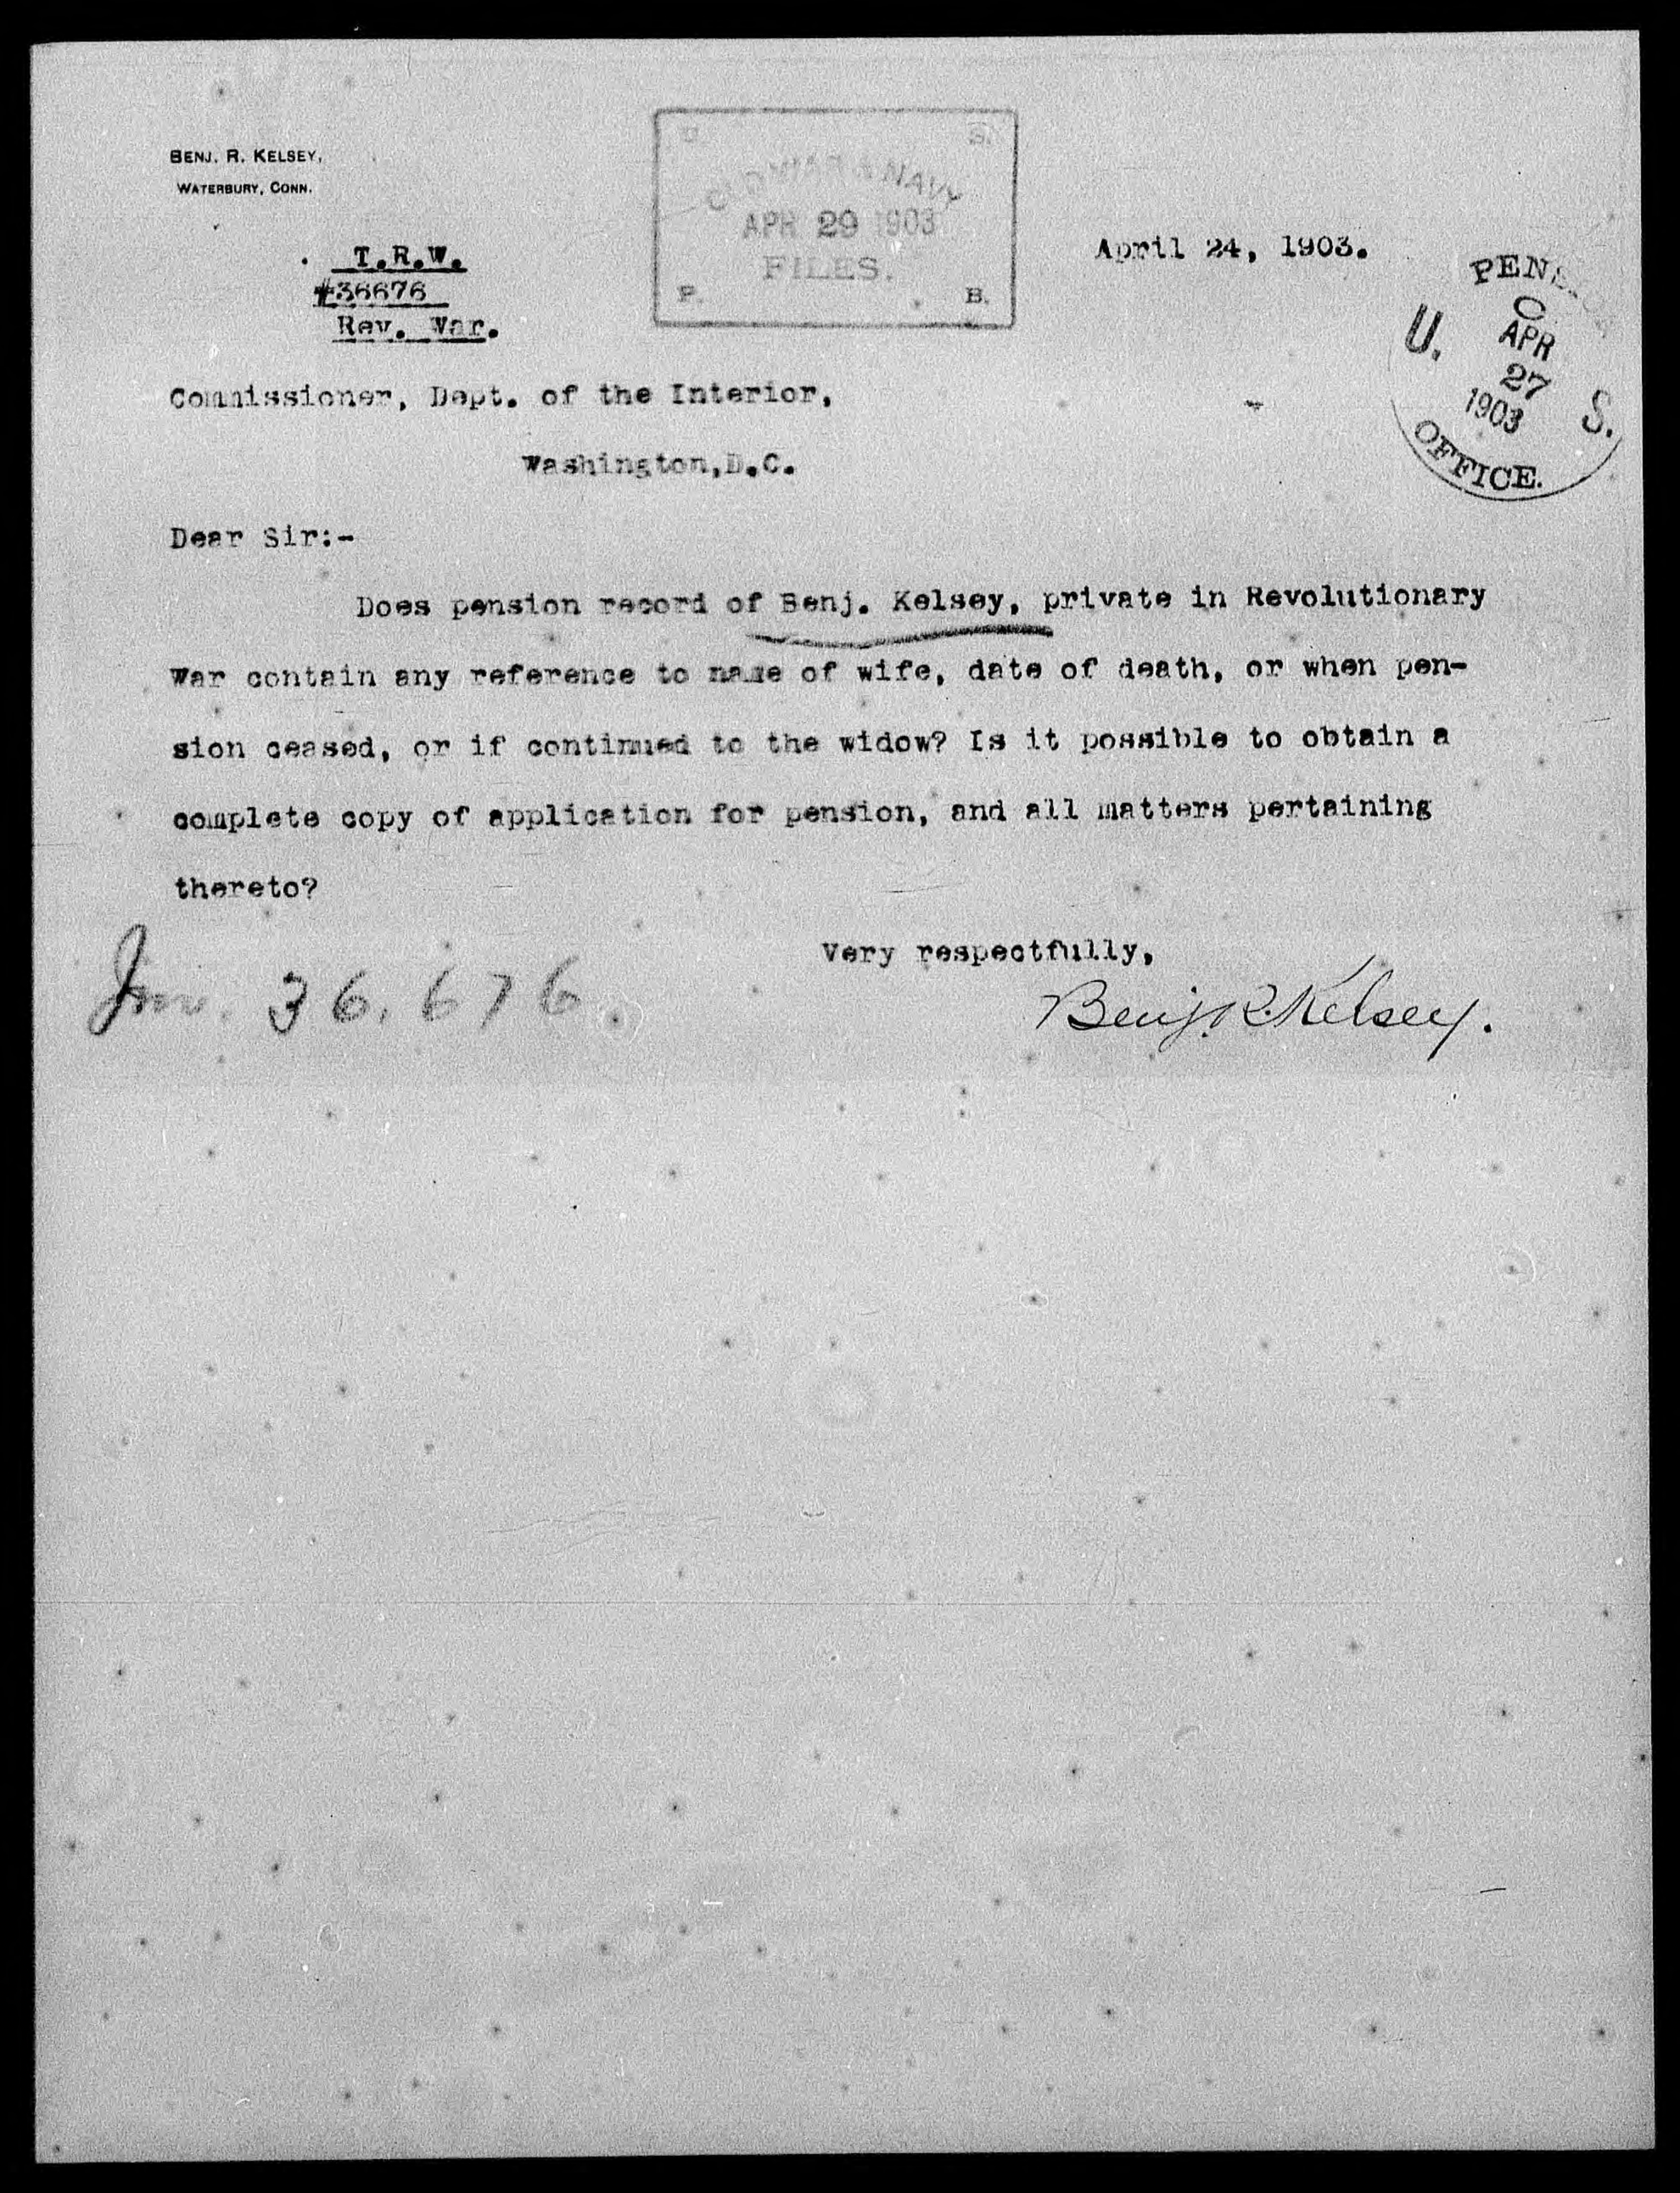BENJ R. KELSEY
WATERBURY CONN
[stamp] U.S.P.B. OLD WAR & NAVY FILES APR 29 1903
April 24, 1903
[stamp] U.S. PENSION OFFICE  O APR 27 1903
T.R.W.
I 36676
Rev War
Commissioner Dept of the Interior,
Washington, DC 
Sir:- 
Does pension record of Benjamin Kelsey, private in the Revolutionary War contain any reference to name of wife, date of death, or when pension ceased, or if continued to the widow?  Is it possible to obtain a complete copy of the application for pension, and all matters pertaining thereto?   
Very respectfully, 
Benj R Kelsey
Inv. 36676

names: Benj R Kelsey; Benj Kelsey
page: 21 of 21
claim: survivor's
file: S. 36676, for Benjamin Kelsey, Connecticut